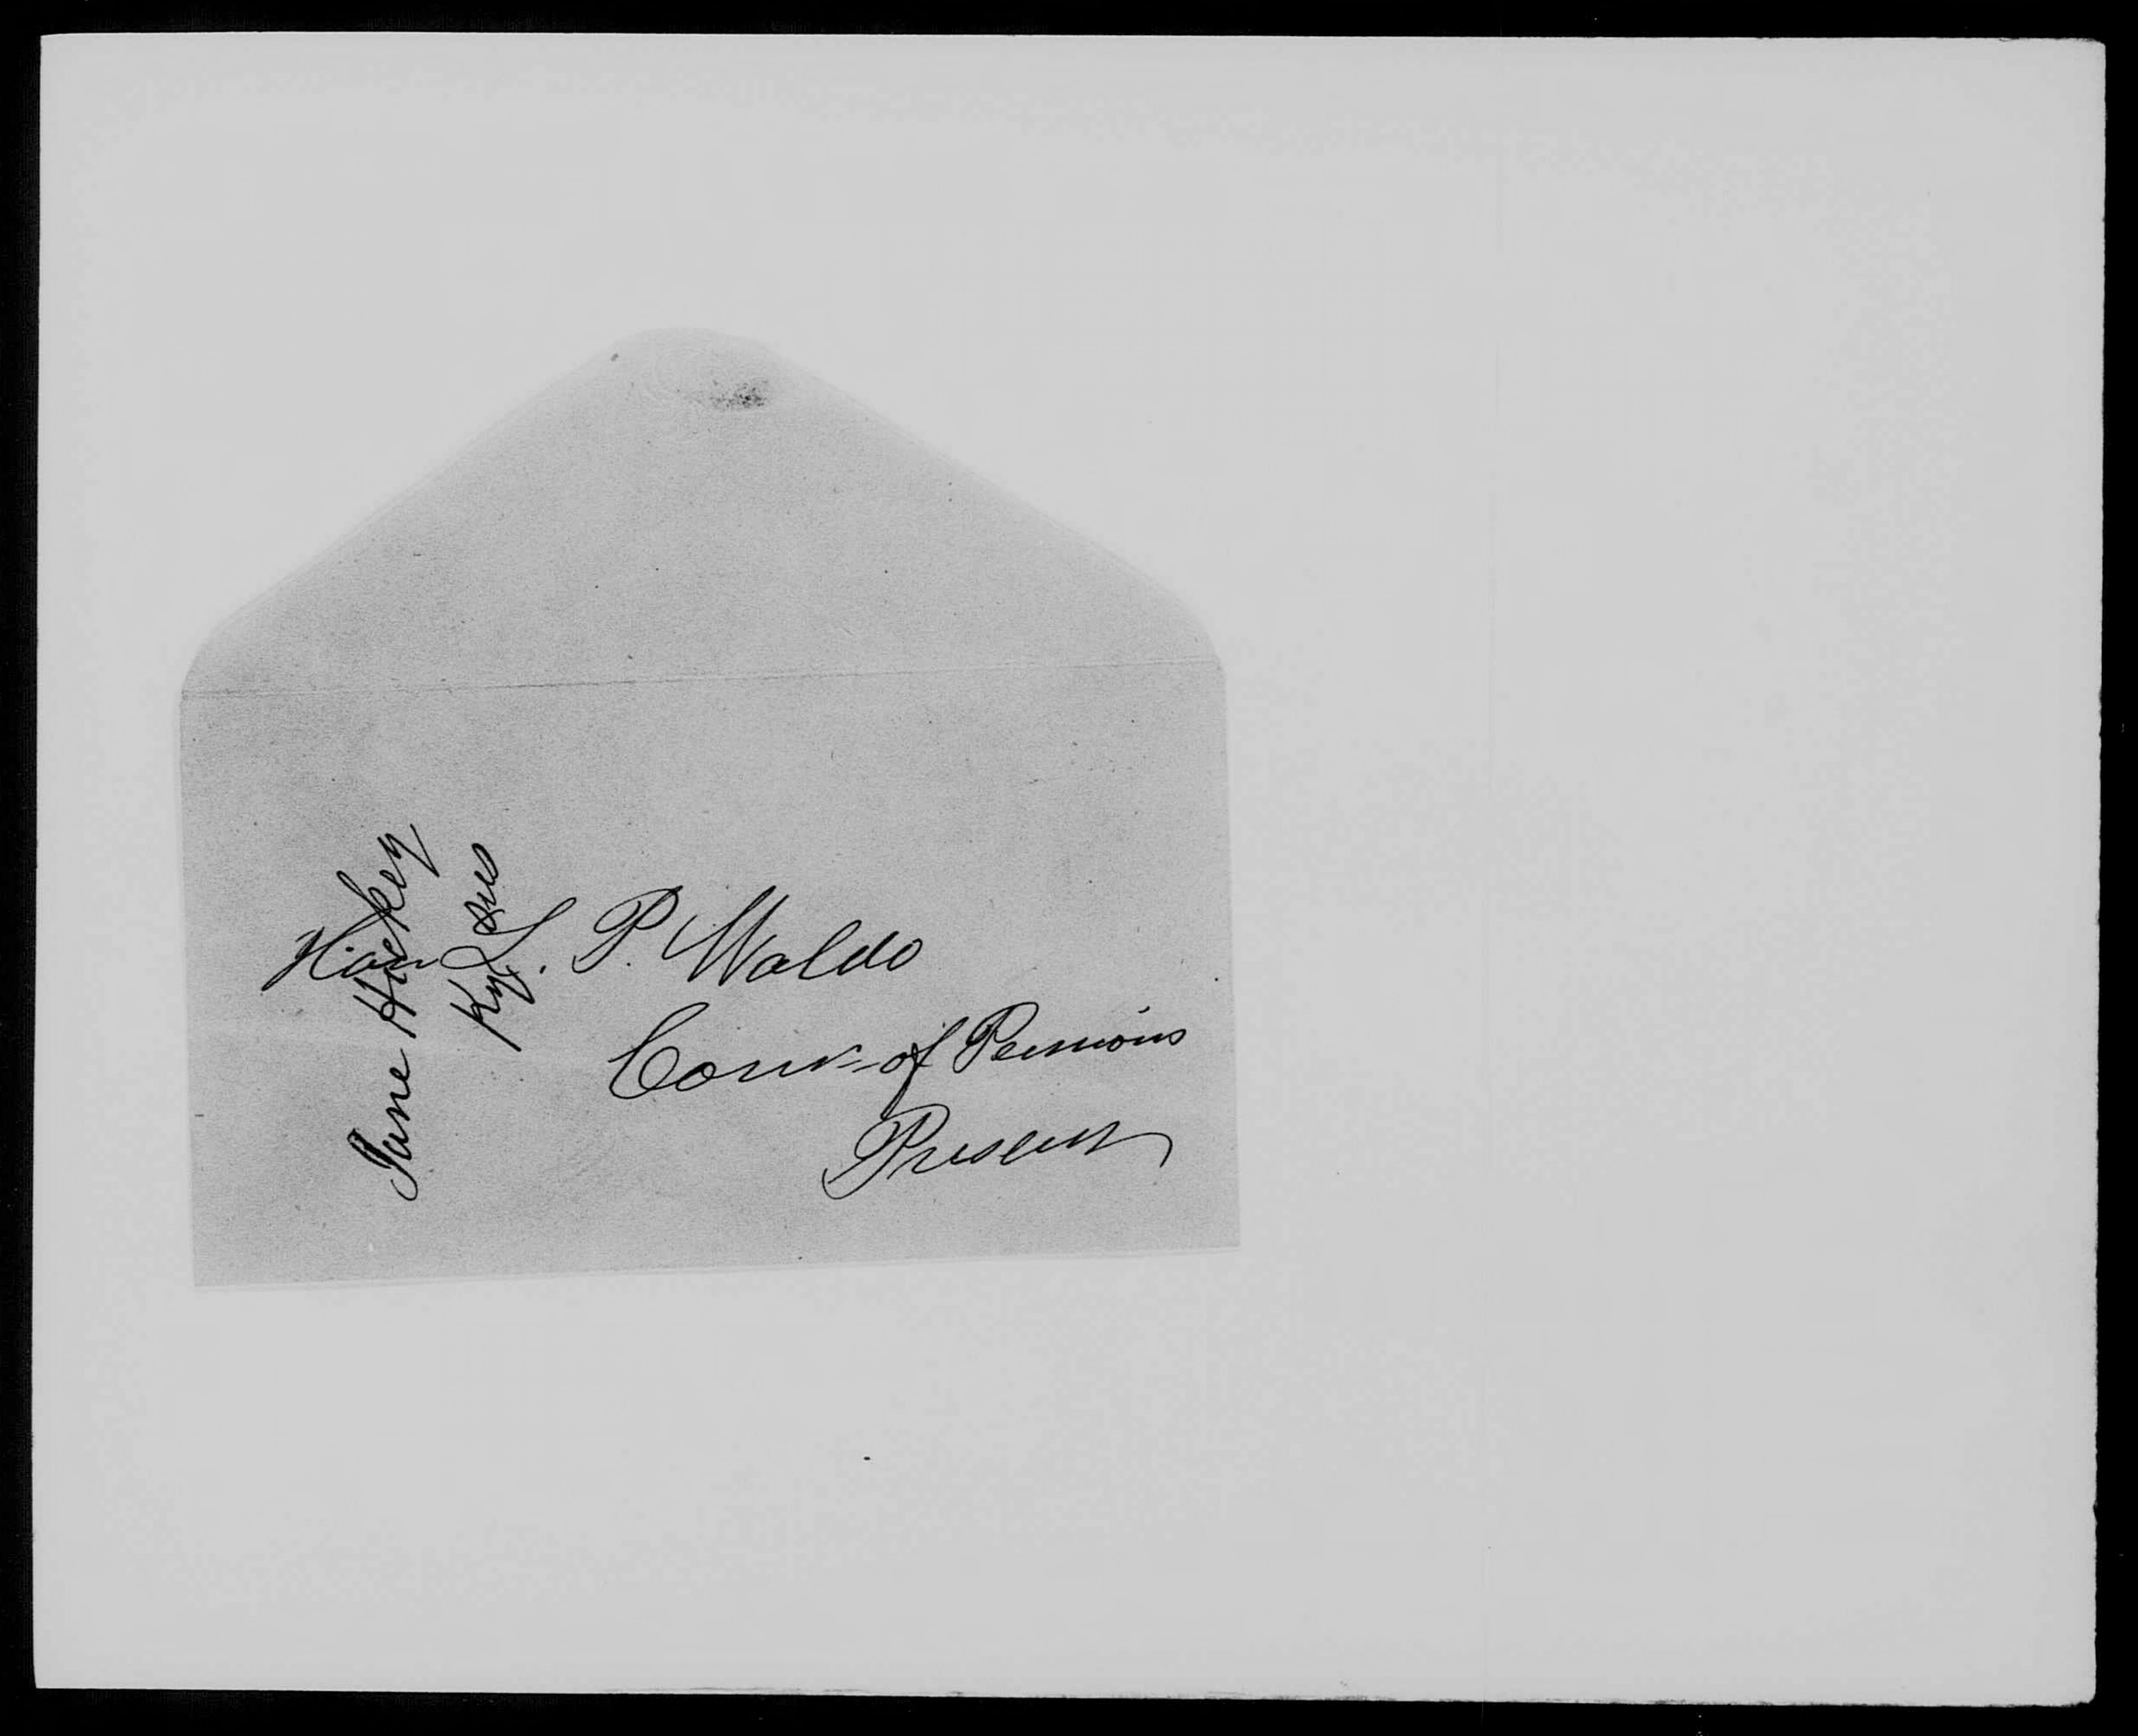Jane Hickey
Ky sus
Hon. L. P. Waldo
Comr of Pensions
Present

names: L P Waldo, Jane Hickey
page: 29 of 84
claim: widow's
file: W. 7744, Daniel Hickey, Penn.